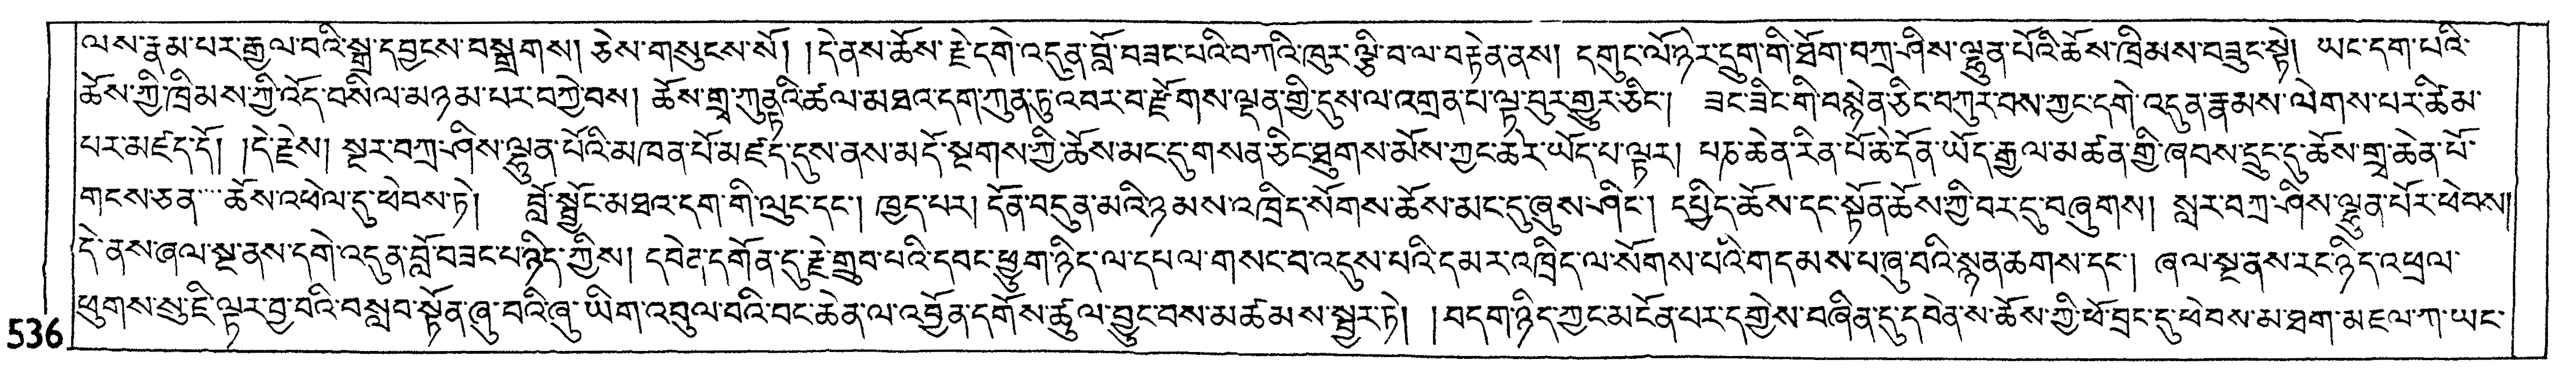ལས་རྣམ་པར་རྒྱལ་བའི་སྒྲ་དབྱངས་བསྒྲགས། ཅེས་གསུངས་སོ། །དེ་ནས་ཆོས་རྗེ་དགེ་འདུན་བློ་བཟང་པའི་བཀའི་ཁུར་ལྕི་བ་ལ་བརྟེན་ནས། དགུང་ལོ་ཉེར་དྲུག་གི་ཐོག་བཀྲ་ཤིས་ལྷུན་པོའི་ཆོས་ཁྲིམས་བཟུང་སྟེ། ཡང་དག་པའི་
ཆོས་ཀྱི་ཁྲིམས་ཀྱི་འོད་བསིལ་མཉམ་པར་བཀྱེ་བས། ཆོས་གྲྭ་ཀུནྟའི་ཚལ་མཐའ་དག་ཀུན་ཏུ་འབར་བ་རྫོགས་ལྡན་གྱི་དུས་ལ་འགྲན་པ་ལྟ་བུར་གྱུར་ཅིང་། ཟང་ཟིང་གི་བསྙེན་ཅིང་བཀུར་བས་ཀྱང་དགེ་འདུན་རྣམས་ལེགས་པར་ཚིམ་
པར་མཛད་དོ། །དེ་རྗེས། སྔར་བཀྲ་ཤིས་ལྷུན་པོའི་མཁན་པོ་མཛད་དུས་ནས་མདོ་སྔགས་ཀྱི་ཆོས་མང་དུ་གསན་ཅིང་ཐུགས་མོས་ཀྱང་ཆེར་ཡོད་པ་ལྟར། པཎ་ཆེན་རིན་པོ་ཆེ་དོན་ཡོད་རྒྱལ་མཚན་གྱི་ཞབས་དྲུང་དུ་ཆོས་གྲྭ་ཆེན་པོ་
གངས་ཅན་ཆོས་འཕེལ་དུ་ཕེབས་ཏེ། བློ་སྦྱོང་མཐའ་དག་གི་ལུང་དང་། ཁྱད་པར། དོན་བདུན་མའི་ཉམས་འཁྲིད་སོགས་ཆོས་མང་དུ་ཞུས་ཤིང་། དཔྱིད་ཆོས་དང་སྟོན་ཆོས་ཀྱི་བར་དུ་བཞུགས། སླར་བཀྲ་ཤིས་ལྷུན་པོར་ཕེབས།
དེ་ནས་ཞལ་སྔ་ནས་དགེ་འདུན་བློ་བཟང་པ་ཉིད་ཀྱིས། དབེན་དགོན་དུ་རྗེ་གྲུབ་པའི་དབང་ཕྱུག་ཉིད་ལ་དཔལ་གསང་བ་འདུས་པའི་དམར་འཁྲིད་ལ་སོགས་པའི་གདམས་པ་ཞུ་བའི་སྙན་ཆགས་དང་། ཞལ་སྔ་ནས་རང་ཉིད་འཕྲལ་
ཕུགས་སུ་ཇི་ལྟར་བྱ་བའི་བསླབ་སྟོན་ཞུ་བའི་ཞུ་ཡིག་འབུལ་བའི་བང་ཆེན་ལ་འབྱོན་དགོས་ཚུལ་བྱུང་བས་མཚམས་སྦྱར་ཏེ། །བདག་ཉིད་ཀྱང་མངོན་པར་དགྱེས་བཞིན་དུ་དབེན་ས་ཆོས་ཀྱི་ཕོ་བྲང་དུ་ཕེབས་མ་ཐག་མཇལ་ཀ་ཡང་